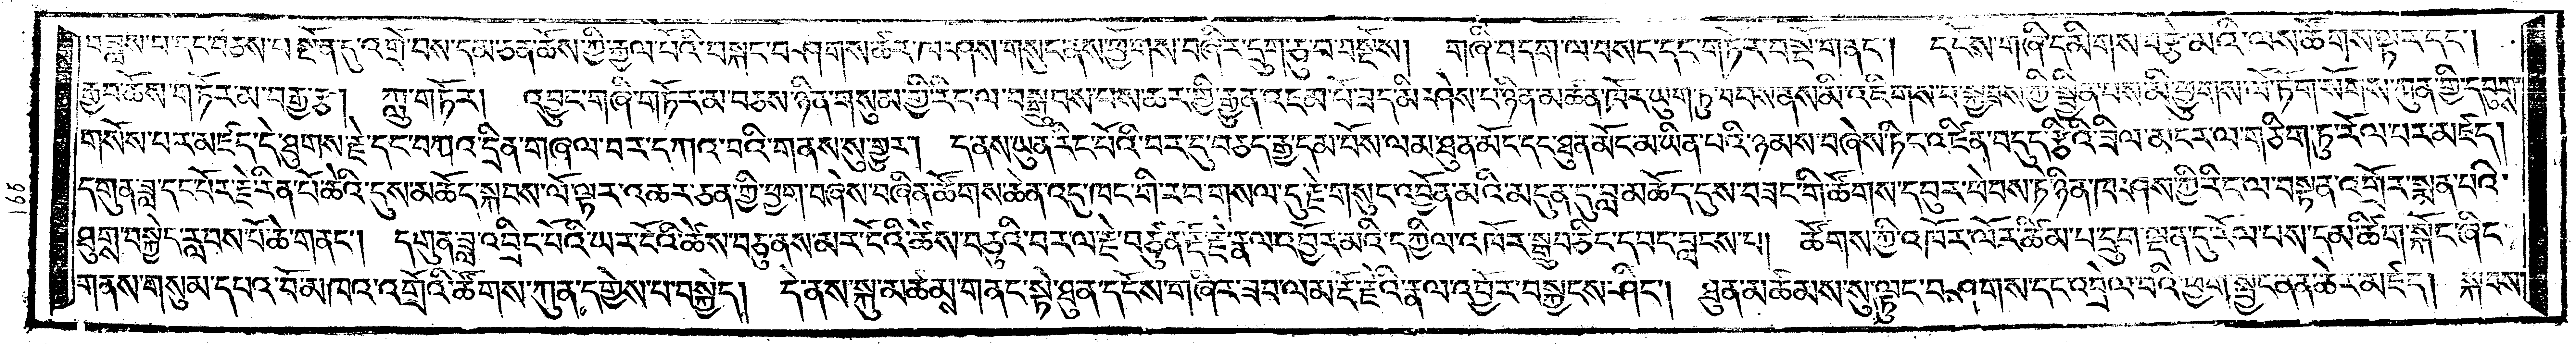བཟླས་པ་དང་བཅས་བསྔོན་དུ་འགྲོ་བས་དམ་ཅན་ཆོས་ཀྱི་རྒྱལ་བོའི་བསྐང་བཤགས་ཚར་ཁ་ཤས་གསུང་ནས་ཕྱོགས་བཞིར་དྲུག་ཅུ་པ་བསྔོས། གཞི་བདག་ལ་བསང་དང་གཏོར་བསྔོ་གནང་། དངོས་གཞི་དམིགས་བརྩེ་མའི་ལས་ཚོགས་ལྟར་དང་།
རྒྱབ་ཆོས་གཏོར་མ་བརྒྱ་རྩ། ཀླུ་གཏོར། འབྱུང་གཞི་གཏོར་མ་བཅས་ཉིན་གསུམ་གྱི་རིང་ལ་བསྒྲུབས་པས་ཆར་གྱི་རྒྱུན་འཇམ་པོ་ཟད་མི་ཤེས་པ་ཉིན་མཚན་ཁོར་ཡུག་ཏུ་བབས་ནས་མི་འཇིགས་པ་སྐྱབས་ཀྱི་སྤྱིན་པས་མི་ཕྱུགས་ལོ་ཏོག་སོགས་ཀུན་གྱི་དབུགས་
གསོས་པར་མཛད་དེ་ཐུགས་རྗེ་དང་བཀའ་དྲིན་གཞལ་བར་དཀའ་བའི་གནས་སུ་གྱུར། ད་ནས་ཡུན་རིང་པོའི་བར་དུ་བཅད་རྒྱ་དམ་བོས་ལམ་ཐུན་མོང་དང་ཐུན་མོང་མ་ཡིན་པའི་ཉམས་བཞེས་ཏིང་འཛིན་བདུད་རྩིའི་ཟིལ་མངར་ལ་གཅིག་ཏུ་རོལ་པར་མཛད།
དགུན་ཟླ་དང་བོར་རྗེ་རིན་པོ་ཆེའི་དུས་མཆོད་སྐབས་ལོ་ལྟར་འཆར་ཅན་གྱི་ཕྱག་བཞེས་བཞིན་ཚོགས་ཆེན་འདུ་ཁང་གི་རབ་གསལ་དུ་རྗེ་གསུང་འབྱོན་མའི་མདུན་དུ་བླ་མཆོད་དུས་བཟང་གི་ཚོགས་དབུར་ཕེབས་ཏེ་ཉིན་ཁ་ཤས་ཀྱི་རིང་ལ་བསྟན་འགྲོར་སྨན་པའི་
ཐུགས་བསྐྱེད་རླབས་བོ་ཆེ་གནང་། དགུན་ཟླ་འབྲིང་བོའི་ཡར་ངོའི་ཚེས་བཅུ་ནས་མར་ངོའི་ཚེས་བཅུའི་བར་ལ་རྗེ་བཙུན་རྡོ་རྗེ་རྣལ་འབྱོར་མའི་དཀྱིལ་འཁོར་སྒྲུབ་ཅིང་དབང་བླངས་པ། ཚོགས་ཀྱི་འཁོར་ལོར་ཚིམ་པ་དྲུག་ལྡན་དུ་རོལ་པས་དམ་ཚིག་སྐོང་ཞིང་
གནས་གསུམ་དབའ་བོ་མཁའ་འགྲོའི་ཚོགས་ཀུན་དགྱེས་པ་བསྐྱེད། དེ་ནས་སྐུ་མཚམས་གནང་སྟེ་ཐུན་དངོས་གཞིར་ཟབ་ལམ་རྡོ་རྗེའི་རྣལ་འབྱོར་བསྐྱངས་ཤིང་། ཐུན་མཚམས་སུ་ལྟུང་བཤགས་དང་འབྲེལ་བའི་ཕྱག་སྦྱང་ནན་ཆེར་མཛད། སྐབས།